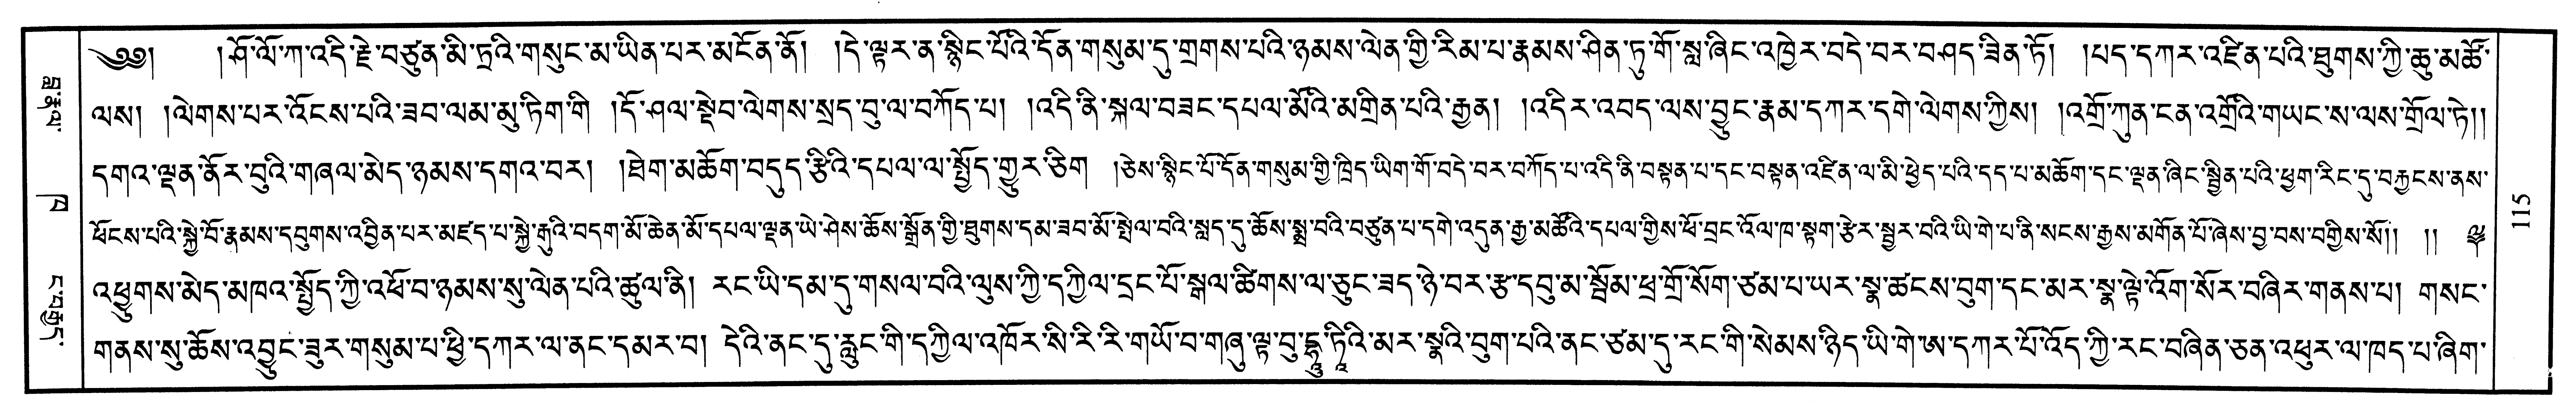༄༅། །ཤོ་ལོ་ཀ་འདི་རྗེ་བཙུན་མི་ཏྲའི་གསུང་མ་ཡིན་པར་མངོན་ནོ། །དེ་ལྟར་ན་སྙིང་པོའི་དོན་གསུམ་དུ་གྲགས་པའི་ཉམས་ལེན་གྱི་རིམ་པ་རྣམས་ཤིན་ཏུ་གོ་སླ་ཞིང་འཁྱེར་བདེ་བར་བཤད་ཟིན་ཏོ། །པད་དཀར་འཛིན་པའི་ཐུགས་ཀྱི་ཆུ་མཚོ་
ལས། །ལེགས་པར་འོངས་པའི་ཟབ་ལམ་མུ་ཏིག་གི །དོ་ཤལ་སྡེབ་ལེགས་སྲད་བུ་ལ་བཀོད་པ། །འདི་ནི་སྐལ་བཟང་དཔལ་མོའི་མགྲིན་པའི་རྒྱན། །འདིར་འབད་ལས་བྱུང་རྣམ་དཀར་དགེ་ལེགས་ཀྱིས། །འགྲོ་ཀུན་ངན་འགྲོའི་གཡང་ས་ལས་གྲོལ་ཏེ།།
དགའ་ལྡན་ནོར་བུའི་གཞལ་མེད་ཉམས་དགའ་བར། །ཐེག་མཆོག་བདུད་རྩིའི་དཔལ་ལ་སྤྱོད་གྱུར་ཅིག །ཅེས་སྙིང་པོ་དོན་གསུམ་གྱི་ཁྲིད་ཡིག་གོ་བདེ་བར་བཀོད་པ་འདི་ནི་བསྟན་པ་དང་བསྟན་འཛིན་ལ་མི་ཕྱེད་པའི་དད་པ་མཆོག་དང་ལྡན་ཞིང་སྦྱིན་པའི་ཕྱག་རིང་དུ་བརྐྱངས་ནས་
ཕོངས་པའི་སྐྱེ་བོ་རྣམས་དབུགས་འབྱིན་པར་མཛད་པ་སྐྱེ་རྒུའི་བདག་མོ་ཆེན་མོ་དཔལ་ལྡན་ཡེ་ཤེས་ཆོས་སྒྲོན་གྱི་ཐུགས་དམ་ཟབ་མོ་སྤེལ་བའི་སླད་དུ་ཆོས་སྨྲ་བའི་བཙུན་པ་དགེ་འདུན་རྒྱ་མཚོའི་དཔལ་གྱིས་ཕོ་བྲང་འོལ་ཁ་སྟག་རྩེར་སྦྱར་བའི་ཡི་གེ་པ་ནི་སངས་རྒྱས་མགོན་པོ་ཞེས་བྱ་བས་བགྱིས་སོ།། །། ༈
འཕྱུགས་མེད་མཁའ་སྤྱོད་ཀྱི་འཕོ་བ་ཉམས་སུ་ལེན་པའི་ཚུལ་ནི། རང་ཡི་དམ་དུ་གསལ་བའི་ལུས་ཀྱི་དཀྱིལ་དྲང་པོ་སྒལ་ཚིགས་ལ་ཅུང་ཟད་ཉེ་བར་རྩ་དབུ་མ་སྦོམ་ཕྲ་གྲོ་སོགས་ཙམ་པ་ཡར་སྣ་ཚངས་བུག་དང་མར་སྣ་ལྟེ་འོག་སོར་བཞིར་གནས་པ། གསང་
གནས་སུ་ཆོས་འབྱུང་ཟུར་གསུམ་པ་ཕྱི་དཀར་ལ་ནང་དམར་བ། དེའི་ནང་དུ་རླུང་གི་དཀྱིལ་འཁོར་སི་རི་རི་གཡོ་བ་གཞུ་ལྟ་བུ་དྷཱུ་ཏཱིའི་མར་སྣའི་བུག་པའི་ནང་ཙམ་དུ་རང་གི་སེམས་ཉིད་ཡི་གེ་ཨ་དཀར་པོ་འོད་ཀྱི་རང་བཞིན་ཅན་འཕུར་ལ་ཁད་པ་ཞིག་